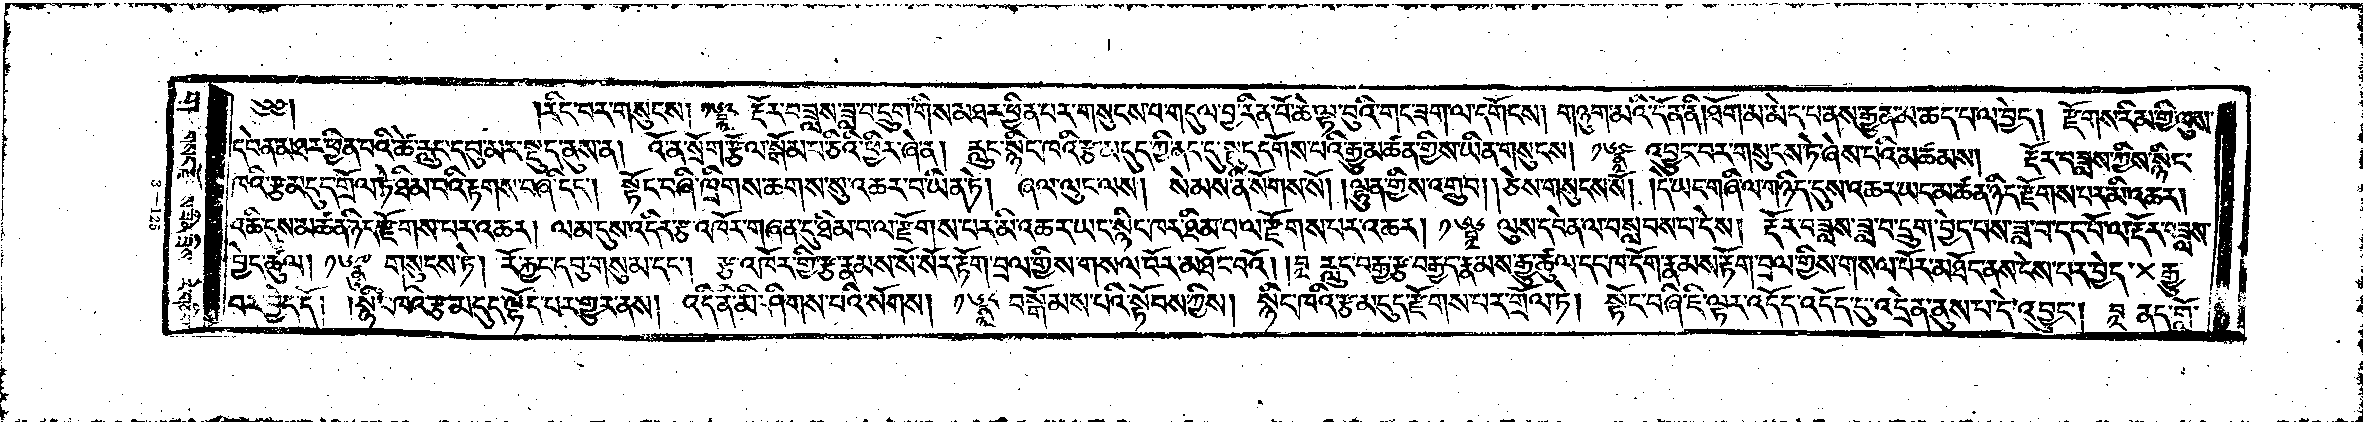༄༅། །རིང་བར་གསུངས། ༡༦བ༣༢་རྡོར་བཟླས་ཟླ་བ་དྲུག་གིས་མཐར་ཕྱིན་པར་གསུངས་པ་གདུལ་བྱ་རིན་པོ་ཆེ་ལྟ་བུའི་གང་ཟག་ལ་དགོངས། གཉུག་མའི་དོན་ནི། ཐོག་མ་མེད་པ་ནས་རྒྱུན་མཆད་པ་ལ་བྱེད། རྫོགས་རིམ་གྱི་ལུས་
དབེན་མཐར་ཕྱིན་པའི་ཚེ་རླུང་དབུ་མར་སྡུད་ནུས་ན། འོ་ན་སྲོག་རྩོལ་སྒོམ་པ་ཅིའི་ཕྱིར་ཞེ་ན། རླུང་སྙིང་ཁའི་རྩ་མདུད་ཀྱི་ནང་དུ་སྡོད་དགོས་པའི་རྒྱུ་མཚན་གྱིས་ཡིན་གསུངས། ༡༦ན༢༤་འབྱུང་བར་གསུངས་ཏེ་ཞེས་པའི་མཚམས། རྡོར་བཟླས་ཀྱིས་སྙིང་
ཁའི་རྩ་མདུད་གྲོལ་ཏེ་ཐིམ་པའི་རྟགས་བཞི་དང་། སྟོང་བཞི་ཁྲིགས་ཆགས་སུ་འཆར་བ་ཡིན་ཏེ། ཞལ་ལུང་ལས། སེམས་ནི་སོགས་སོ། །ལྷུན་གྱིས་འགྲུབ། །ཅེས་གསུངས་སོ། །དེ་ཡད་པར་མང་དུ་ཡོད། སེམས་དབེན་དང་
ནམ་པ་བཞི་པའི་དོང་ཡི་འོད་གལ་གཉིས་ཀས་ཆོད་ཉིད་མཐོག་བ་ཙམ་འདྲ་མོད་ཀྱང་། མངོན་སུམ་དུ་མཐོག་གྨ་མཐོང་གི་ཁྱད་ཡོད་པར་གསུངས་གསུངས། ༡༦ན༥༩་འགྲོལ་ནུས་སོ། །དེ་ནས་དབུ་མའི་ནང་ནས་རྡོར་བཟླས་བྱས་པས་མི་ཤིགས་བ་ལ་གནས་པ་དང་
ཐིམ་པར་བྱེད་དོ། །༡༧བ༥༧་ཡུལ་རིག་པའི་ཤེས་པ་ཙམ་དུ། སྣོད་བཅུད་གཞན་ཀུན་གྱི་རྩ་བར་གྱུར་པར་གསུངས་སོ། །༡༧ན༦༨་མི་འགྱུར་བ་ཡང་མིན་ཏེ། ཞེས་པའི་མཚམས། སེམས་ཀྱི་དེ་ཁོ་ན་ཉིད་རྟོགས་པ་ཙམ་ལ་བླ་མེད་ཞུགས་མི་དགོས་ཏེ།
ཕར་ཕྱིན་གྱི་ཐེག་པས་སོགས། བ༤་མྱུར་ཁྱད་ཅེས་པའི་ཐད། ཚེ་གཅིག་ལུས་གཅིག་ཙམ་ལ་འཆང་རྒྱ་བ་རྒྱུད་སྡེ་འོག་མ་གསུམ་ལ་ཡོད། སྙིགས་དུས་ཀྱི་ཚེ་ཐུང་གཅིག་ལ་འཚང་རྒྱ་བ་བླ་མེད་ཀྱི་ཁྱད་ཆོས་ཡིན་ནོ། །༡༨བ༦༡་གཟུང་འཛིན་རྫས་གཞན་དུ་སྣང་བ་